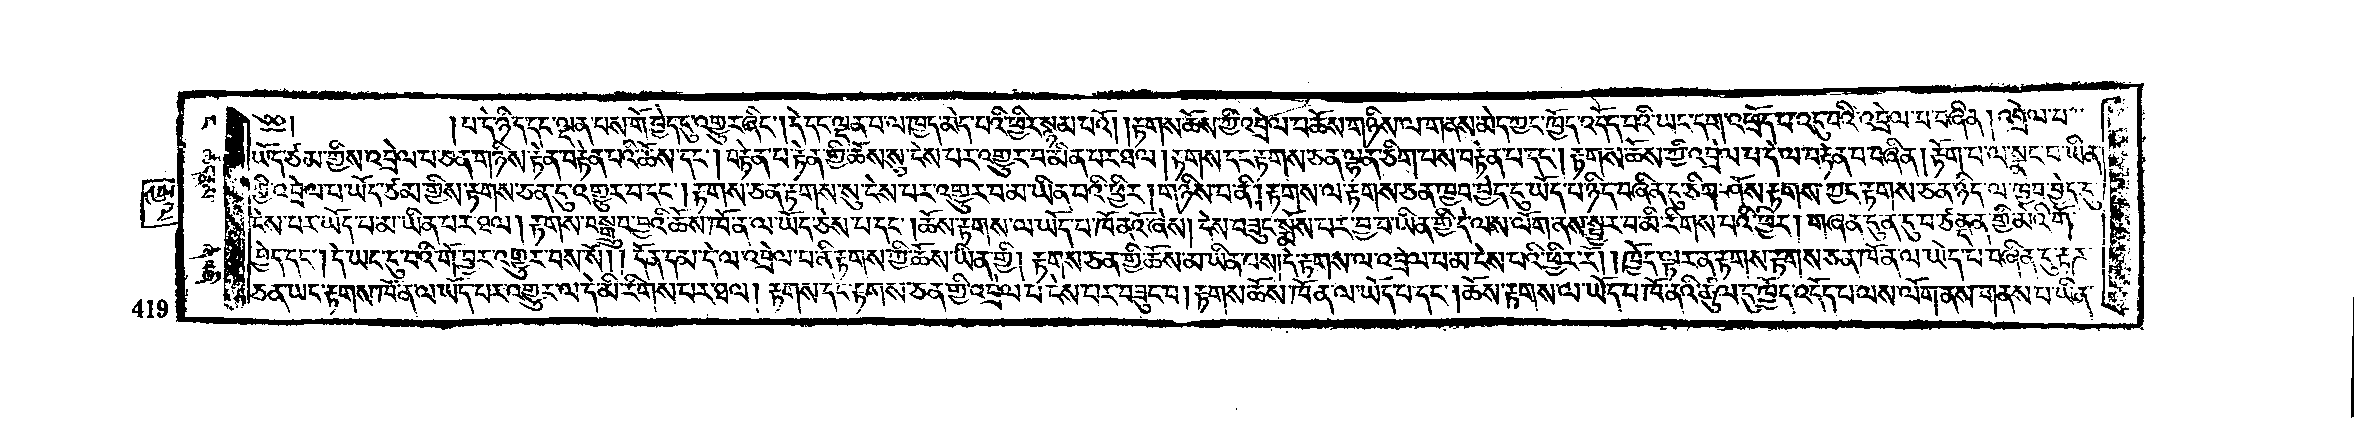༄༅། །པ་དེ་ཉིད་དང་ལྡན་པས་གོ་བྱེད་དུ་འགྱུར་ཞིང་། དེ་དང་ལྡན་པ་ལ་ཁྱད་མེད་པའི་ཕྱིར་སྙམ་པའོ། །རྟགས་ཆོས་ཀྱི་འབྲེལ་པ་ཆོས་གཉིས་ལ་གནས་མེད་ཀྱང་ཁྱོད་འདོད་པའི་ཡང་དག་འཕྲོད་པ་འདུ་བའི་འབྲེལ་པ་བཞིན། འབྲེལ་པ་
ཡོད་ཙམ་གྱིས་འབྲེལ་པ་ཅན་གཉིས་རྟེན་བརྟེན་པའི་ཆོས་དང་། བརྟེན་པ་རྟེན་གྱི་ཆོས་སུ་ངེས་པར་འགྱུར་བ་མིན་པར་ཐལ། རྟགས་དང་རྟགས་ཅན་ལྷན་ཅིག་པས་བརྟེན་དང་། རྟགས་ཆོས་ཀྱི་འབྲེལ་པ་དེ་ལ་བརྟེན་པ་བཞིན། རྟོག་པ་ལ་སྣང་བ་ཡིན།
གྱི་འབྲེལ་པ་ཡོད་ཙམ་གྱིས་རྟགས་ཅན་དུ་འགྱུར་བ་དང་། རྟགས་ཅན་རྟགས་སུ་ངེས་པར་འགྱུར་བ་མ་ཡིན་པའི་ཕྱིར། གཉིས་པ་ནི། རྟགས་ལ་རྟགས་ཅན་ཁྱབ་བྱེད་དུ་ཡོད་པ་ཉིད་བཞིན་དུ་ཅིག་ཤོས་རྟགས་ཀྱང་རྟགས་ཅན་ཉིད་ལ་ཁྱབ་བྱེད་དུ་
ངེས་པར་ཡོད་པ་མ་ཡིན་པར་ཐལ། རྟགས་བསྒྲུབ་བྱའི་ཆོས་ཁོ་ན་ལ་ཡོད་ཅེས་པ་དང་། ཆོས་རྟགས་ལ་ཡོད་པ་ཁོ་ནའོ་ཞེས། དེས་བཟུང་སྨོས་པར་བྱ་བ་ཡིན་གྱི་དེ་ལས་ལོག་ནས་སྦྱར་བ་མི་རིགས་པའི་ཕྱིར། གཞན་དུ་ན་དུ་བ་ཙན་དན་གྱི་མེའི་གོ་
བྱེད་དང་། དེ་ཡང་དུ་བའི་གོ་བྱར་འགྱུར་བས་སོ། །དོན་དམ་དེ་ལ་འབྲེལ་པ་ནི་རྟགས་ཀྱི་ཆོས་ཡིན་གྱི། རྟགས་ཅ་གྱི་ཆོས་མ་ཡིན་པས། དེ་རྟགས་གྱི་ཆོས་མ་ཡིན་པས། དེ་རྟགས་ལ་འབྲེལ་པ་མ་ངེས་པའི་ཕྱིར་རོ། །ཁྱོད་ལྟར་ན་རྟགས་རྟགས་ཅན་ཁོ་ན་ལ་ཡོད་པ་བཞིན་དུ་རྟགས་
ཅན་ཡང་རྟགས་ལ་དེ་མི་རིགས་པར་ཐལ། རྟགས་དང་རྟགས་ཅན་གྱི་འབྲེལ་པ་ངེས་པར་བཟུང་བ། རྟགས་ཆོས་ཁོ་ན་ལ་ཡོད་པ་དང་། ཆོས་རྟགས་ལ་ཡོད་པ་ཁོ་ནའི་ཚུལ་དུ་ཁྱོད་འདོད་པ་ལས་ལོག་ནས་གནས་པ་ཡིན་